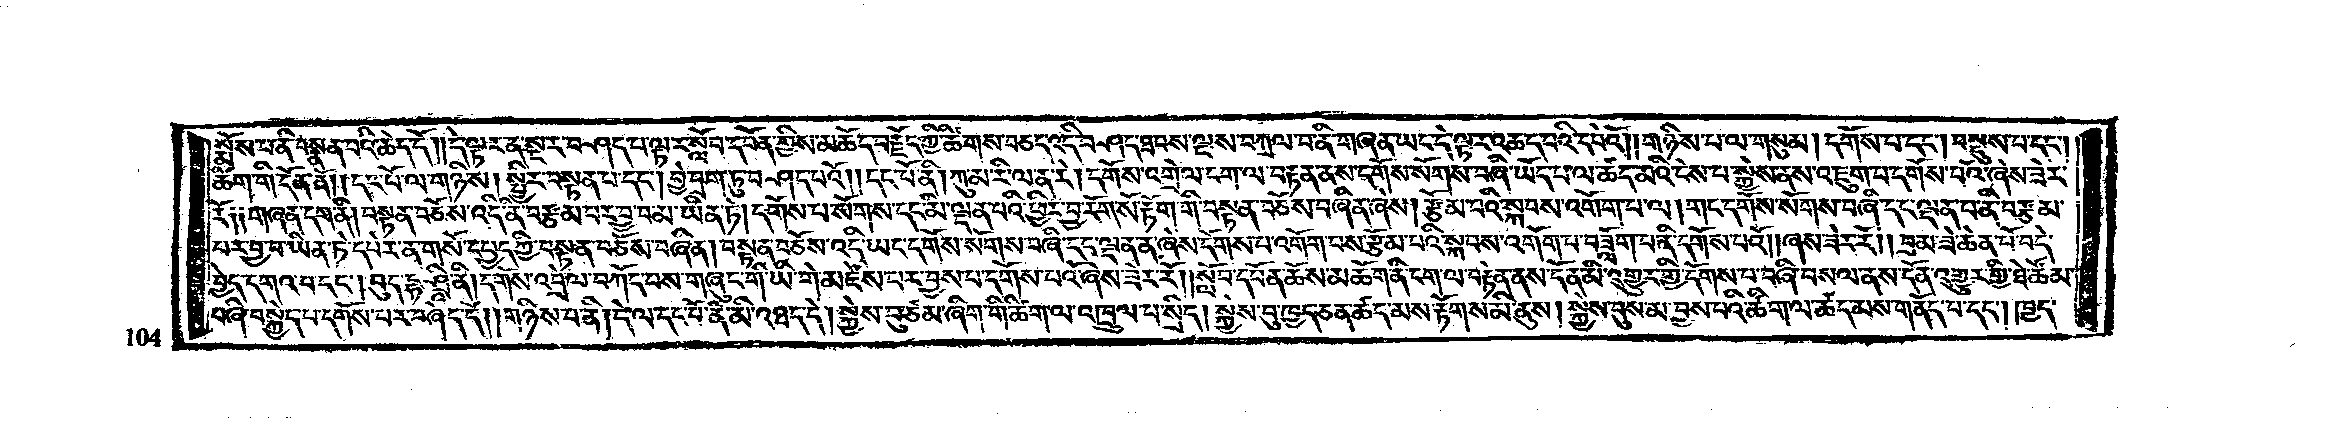སྨོས་པ་ནི་བསྣན་པའི་ཆེད་དོ། །དེ་ལྟར་ན་སྔར་བཤད་པ་ལྟར་སློབ་དཔོན་གྱིས་མཆོད་བརྗོད་ཀྱི་ཚིགས་བཅད་འདི་བཤད་ཐབས་ལྔས་བཀྲལ་བ་ནི་གཞན་ཡང་དེ་ལྟར་འཆད་པའི་དཔེའོ། །གཉིས་པ་ལ་གསུམ། དགོས་པ་དང་། བསྡུས་པ་དང་།
ཚིག་གི་དོན་ནོ། །དང་པོ་ལ་གཉིས། སྤྱིར་བསྟན་པ་དང་། བྱེ་བྲག་ཏུ་བཤད་པའོ། །དང་པོ་ནི། ཀུ་མ་རི་ལ་ན་རེ། དགོས་འགྲེལ་ངག་ལ་བརྟན་ནས་དགོས་སོགས་བཞི་ཡོད་པ་ལ་ཚད་མའི་ངེས་པ་སྐྱེས་ནས་འཇུག་པ་དགོས་པའོ་ཞེས་ཟེར་
རོ། །གཞན་དག་ནི། བསྟན་བཅོས་འདི་ནི་བརྩམ་པར་བྱ་བ་མ་ཡིན་ཏེ། དགོས་པ་སོགས་དང་མི་ལྡན་པའི་ཕྱིར་བྱ་རོག་སོ་རྟོག་གི་བསྟན་བཅོས་བཞིན་ཞེས། རྩོམ་པའི་སྐབས་འགོག་པ་ལ། གང་དགོས་སོགས་བཞི་དང་ལྡན་པ་ནི་བརྩམ་
པར་བྱ་བ་ཡིན་ཏེ་དཔེར་ན་གསོ་དཔྱད་ཀྱི་བསྟན་བཅོས་བཞིན། བསྟན་བཅོས་འདི་ཡང་དགོས་སོགས་བཞི་དང་ལྡན་ན་ཞེས་དོགས་པ་འགོག་པས་རྩོམ་པའི་སྐབས་འགོག་པ་བཟློག་པ་ནི་དགོས་པའོ། །ཞེས་ཟེར་རོ། །བྲམ་ཟེ་ཆེན་པོ་བདེ་
བྱེད་དགའ་བ་དང་། བུད་དྷ་ཤྲཱི་ནི། དགོས་འབྲེལ་བཀོད་པས་གཞུང་གི་ཡི་གེ་མཛེས་པར་བྱས་པ་དགོས་པའོ་ཞེས་ཟེར་རོ། །སློབ་དཔོན་ཆོས་མཆོག་ནི་ངག་ལ་བརྟེན་ནས་དོན་མི་འགྱུར་གྱི་དོགས་པ་བཞི་བསལ་ནས་དོན་འགྱུར་གྱི་ཐེ་ཚོམ་
བཞི་བསྐྱེད་པ་དགོས་པར་བཞེད་དོ། །གཉིས་པ་ནི། དེ་ལ་དང་པོ་ནི་མི་འཐད་དེ། སྐྱེས་བུ་ཙམ་ཞིག་གི་ཚིག་ལ་འཁྲུལ་པ་སྲིད། སྐྱེས་བུ་ཁྱད་ཅན་ཚད་མས་རྟོགས་མི་ནུས། སྐྱེས་བུས་མ་བྱས་པའི་ཚིག་ལ་ཚད་མས་གནོད་པ་དང་། ཁྱད་